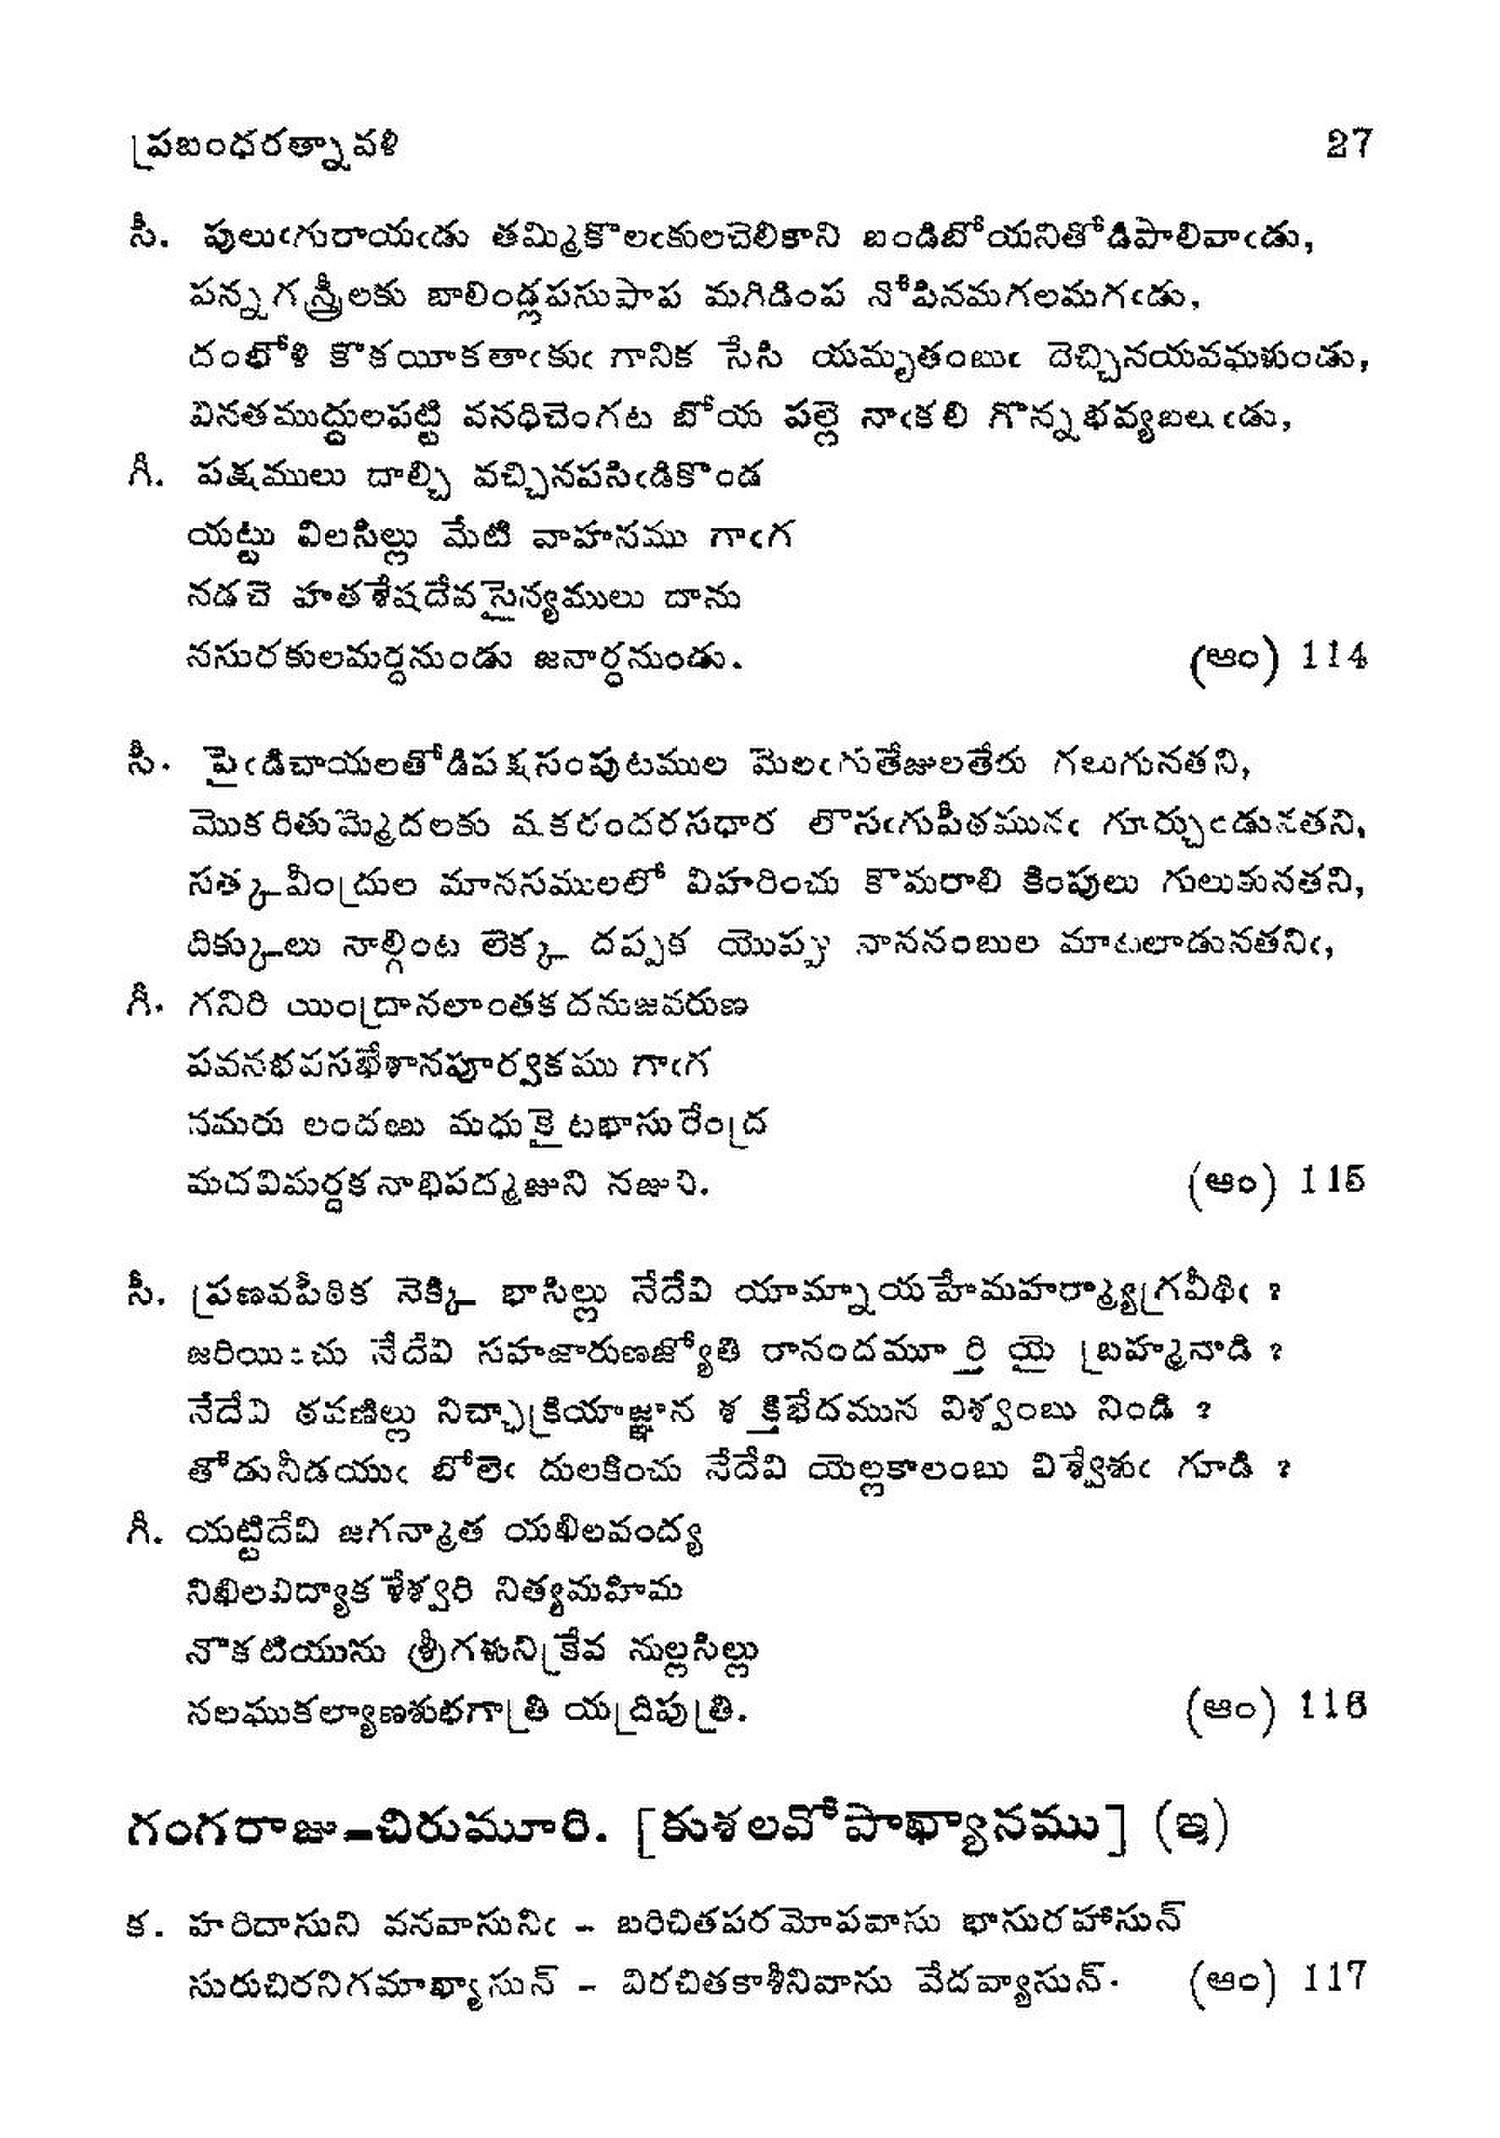సీ. పులుఁగురాయఁడు తమ్మికొలఁకుల చెలికాని బండిబోయనితోడి పాలివాఁడు,
పన్నగస్త్రీలకు బాలిండ్లపసుపాప మగిడింప నోపిన మగలమగఁడు
దంభోళి కొకయీకతాఁకుఁ గానిక సేసి యమృతంబుఁ దెచ్చిన యవఘళుండు
వినతముద్దులపట్టి వనధిచెంగట బోయ పల్లె నాఁకలిగొన్న భవ్యబలుఁడు
గీ. పక్షములు దాల్చి వచ్చిన పసిఁడికొండ
యట్టు విలసిల్లు మేటి వాహనము గాఁగ
నడచె హతశేషదేవసైన్యములు దాను
నసురకులమర్దనుండు జనార్దనుండు. (ఆం) 114

సీ. పైఁడిచాయలతోడి పక్షసంపుటముల మెలఁగు తేజులతేరు గలుగునతని,
మొకరితుమ్మెదలకు మకరందరసధార లొసఁగు పీఠమునఁ గూర్చుండునతని,
సత్కవీంద్రుల మానసములలో విహరించు కొమరాలి కింపులు గులుకునతని
దిక్కులు నాల్గింట లెక్కదప్పక యొప్పు నాననంబుల మాటలాడునతనిఁ
గీ. గనిరి యింద్రానలాంతక దనుజ వరుణ
పవన భవసఖేశాన పూర్వకము గాఁగ
నమరులందఱు మధుకైటభాసురేంద్ర
మదవిమర్దక నాభిపద్మజుని నజుని. (ఆం) 115

సీ. ప్రణవపీఠిక నెక్కి భాసిల్లు నే దేవి యామ్నాయహేమహర్మ్యాగ్రవీథిఁ?
జరియించు నే దేవి సహజారుణజ్యోతి రానందమూర్తియై బ్రహ్మనాడి?
నే దేవి ఠవణిల్లు నిచ్ఛాక్రియాజ్ఞాన శక్తిభేదమున విశ్వంబు నిండి?
తోడునీడయుఁ బోలెఁ దులకించు నే దేవి యెల్లకాలంబు విశ్వేశుఁ గూడి?
గీ. యట్టి దేవి జగన్మాత యఖిలవంద్య
నిఖిలవిద్యాకళేశ్వరి నిత్యమహిమ
నొకటియును శ్రీగళుని క్రేవ నుల్లసిల్లు
నలఘుకల్యాణశుభగాత్రి యద్రిపుత్రి. (ఆం) 116

క. హరిదాసుని వనవాసునిఁ
బరిచితపరమోపవాసు భాసురహాసున్
సురుచిర నిగమాభ్యాసున్
విరచిత కాశీనివాసు వేదవ్యాసున్. (ఆం) 117